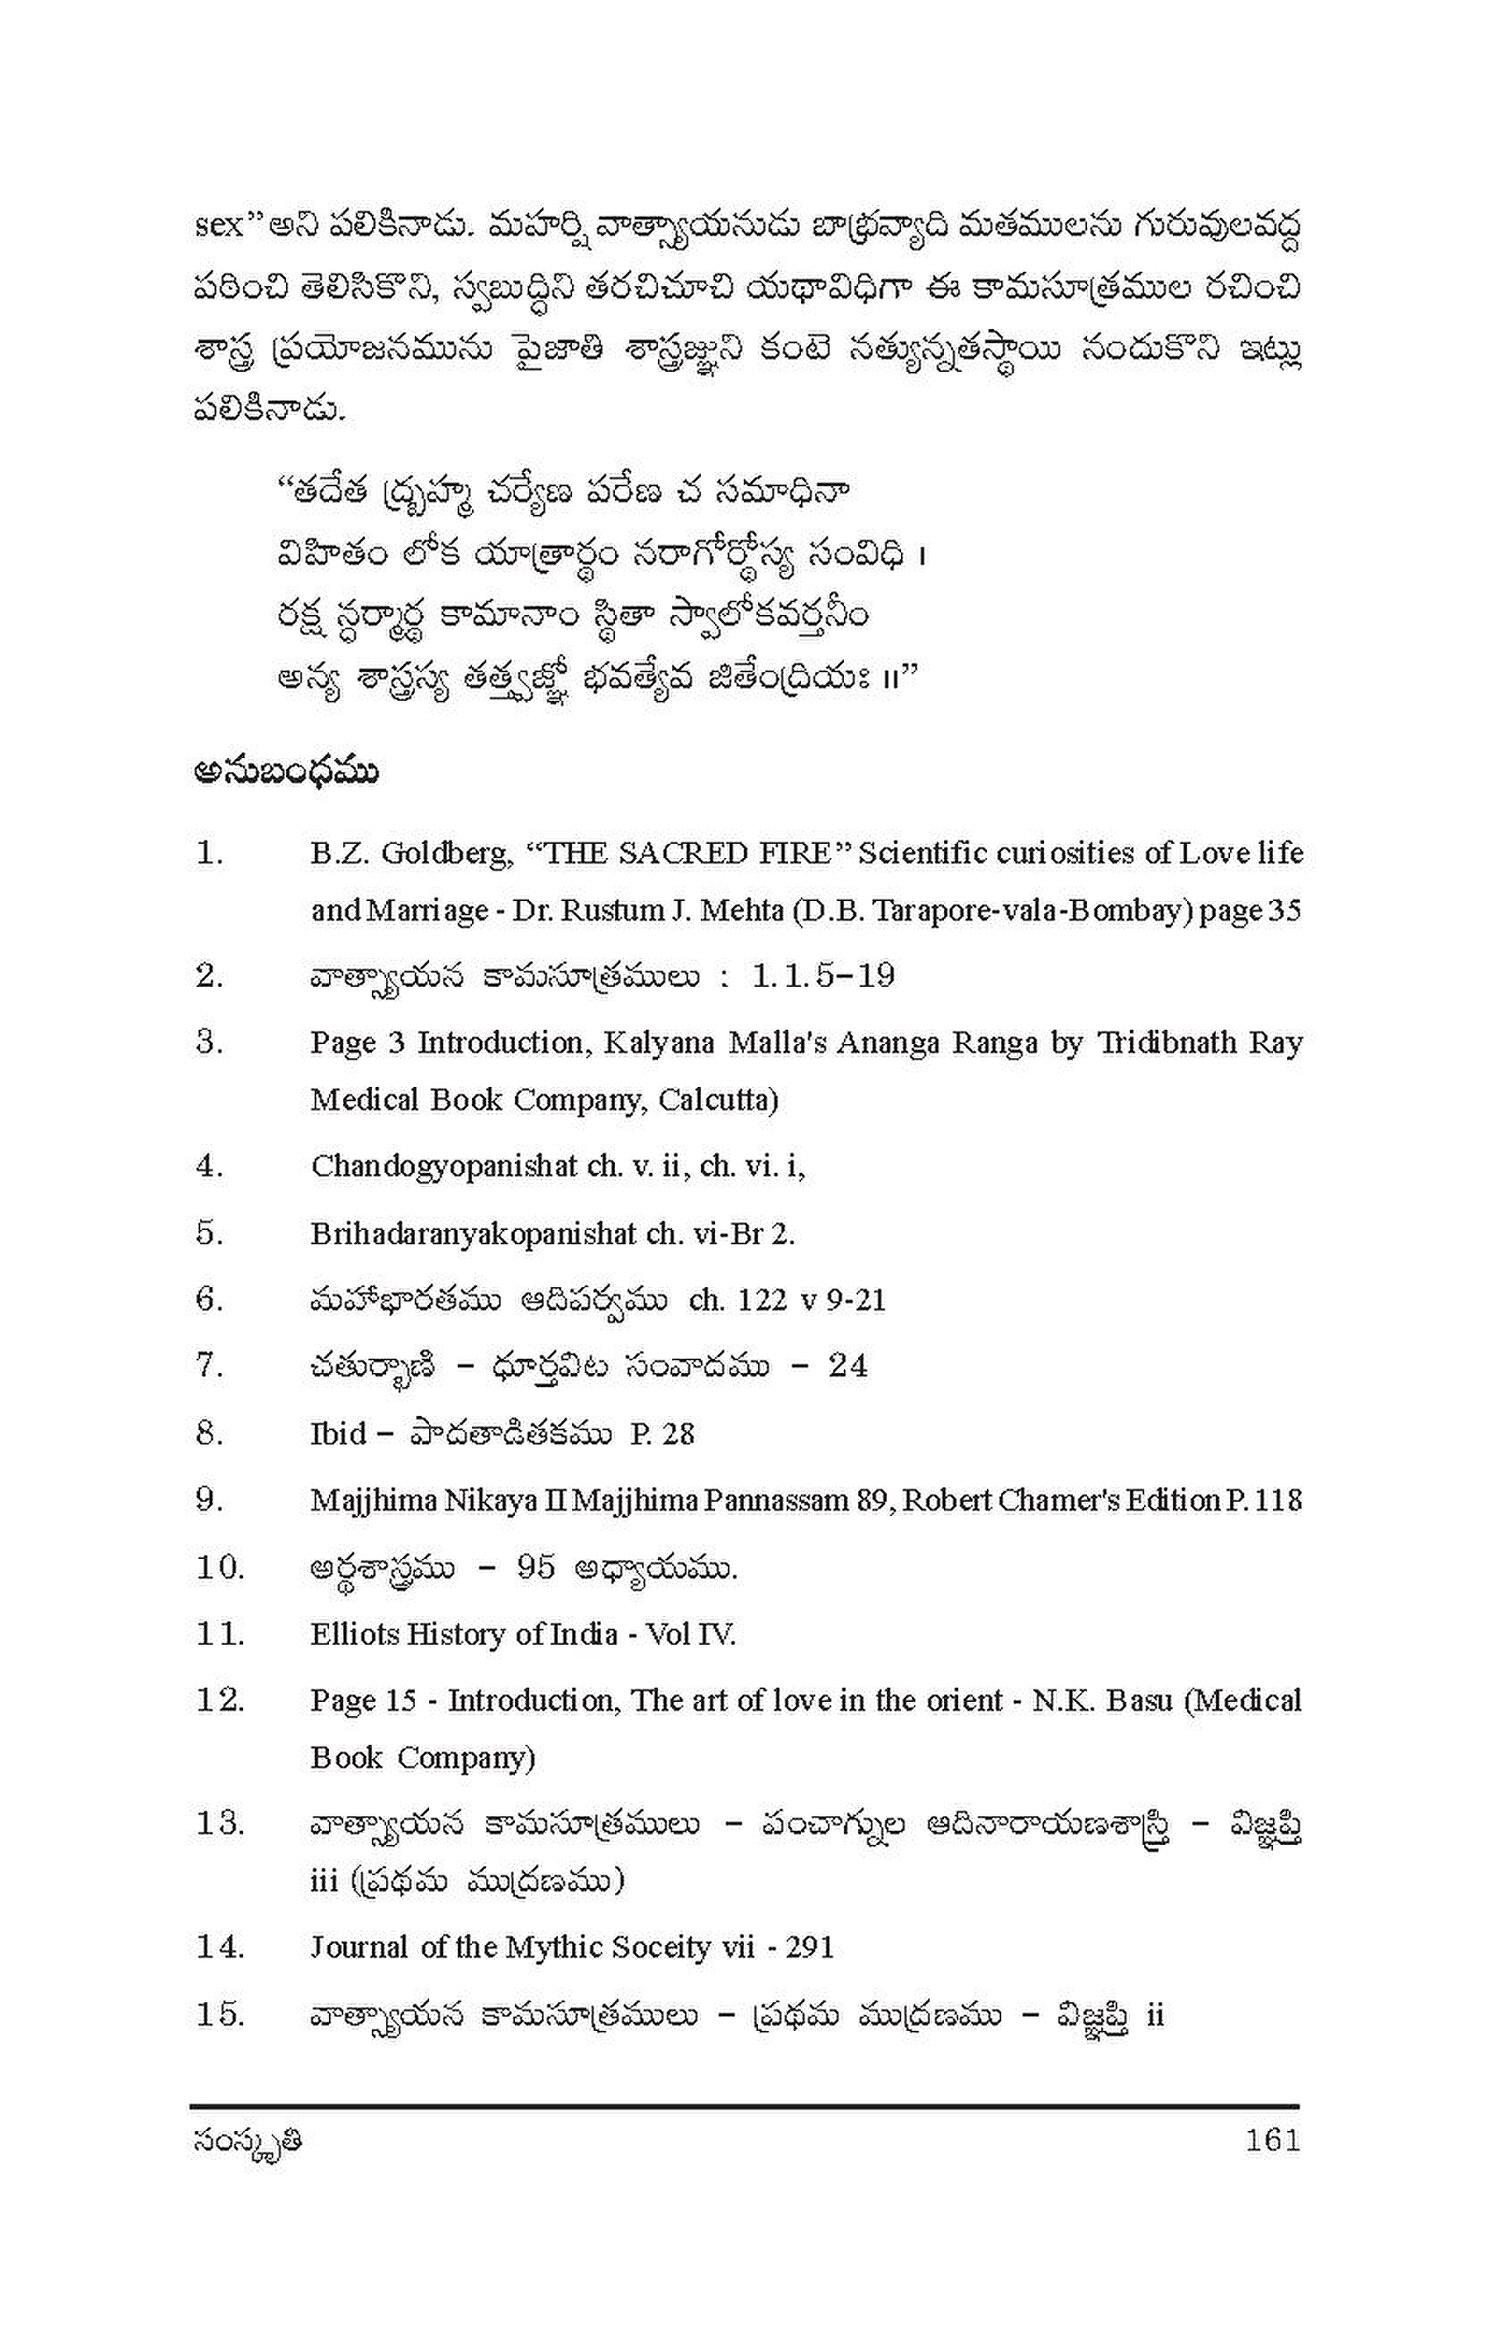sex” అని పలికినాడు. మహర్షి వాత్స్యాయనుడు బాభ్రవ్యాది మతములను గురువులవద్ద
పఠించి తెలిసికొని, స్వబుద్ధిని తరచిచూచి యథావిధిగా ఈ కామసూత్రములు రచించి
శాస్త్ర ప్రయోజనమును పైజాతి శాస్త్రజ్ఞుని కంటే నత్యున్నతస్థాయి నందుకొని ఇట్లు
పలికినాడు.

“తదేత దృహ్మ చర్యేణ పరేణ చ సమాధినా
విహితం లోక యాత్రార్థం నరాగోరోస్య సంవిధి ।
రక్ష స్ధర్మార్థ కామానాం స్థితా స్వాలోకవర్తనీం
అన్య శాస్త్రస్య తత్త్వజ్ఞో భవత్యేవ జితేంద్రియః ||"

అనుబంధము

1. B.Z. Goldberg, “THE SACRED FIRE” Scientific curiosities of Love life
and Marriage - Dr. Rustum J. Mehta (D.B. Tarapore-vala-Bombay) page 35

2. వాత్స్యాయన కామసూత్రములు: 1.1.5 - 19

3. Page 3 Introduction, Kalyana Malla's Ananga Ranga by Tridibnath Ray
Medical Book Company, Calcutta)

4. Chandogyopanishat ch. v. ii, ch. vi. i,

5. Brihadaranyakopanishat ch. vi-Br 2.

6. మహాభారతము ఆదిపర్వము ch. 122 v 9-21

7. చతుర్భాణి ధూర్తవిట సంవాదము - 24

8. Ibid - పాదతాడితకము P. 28

9. Majjhima Nikaya II Majjhima Pannassam 89, Robert Chamer's Edition P. 118

10. అర్థశాస్త్రము - 95 అధ్యాయము.

11. Elliots History of India - VolIV

12. Page 15 - Introduction, The art of love in the orient- N.K. Basu (Medical
Book Company)

13. వాత్స్యాయన కామసూత్రములు - పంచాగ్నుల ఆదినారాయణశాస్త్రి - విజ్ఞప్తి
iii (ప్రథమ ముద్రణము)

14. Journal of the Mythic Soceity vii - 291

15. వాత్స్యాయన కామసూత్రములు ప్రథమ ముద్రణము - విజ్ఞప్తి ii